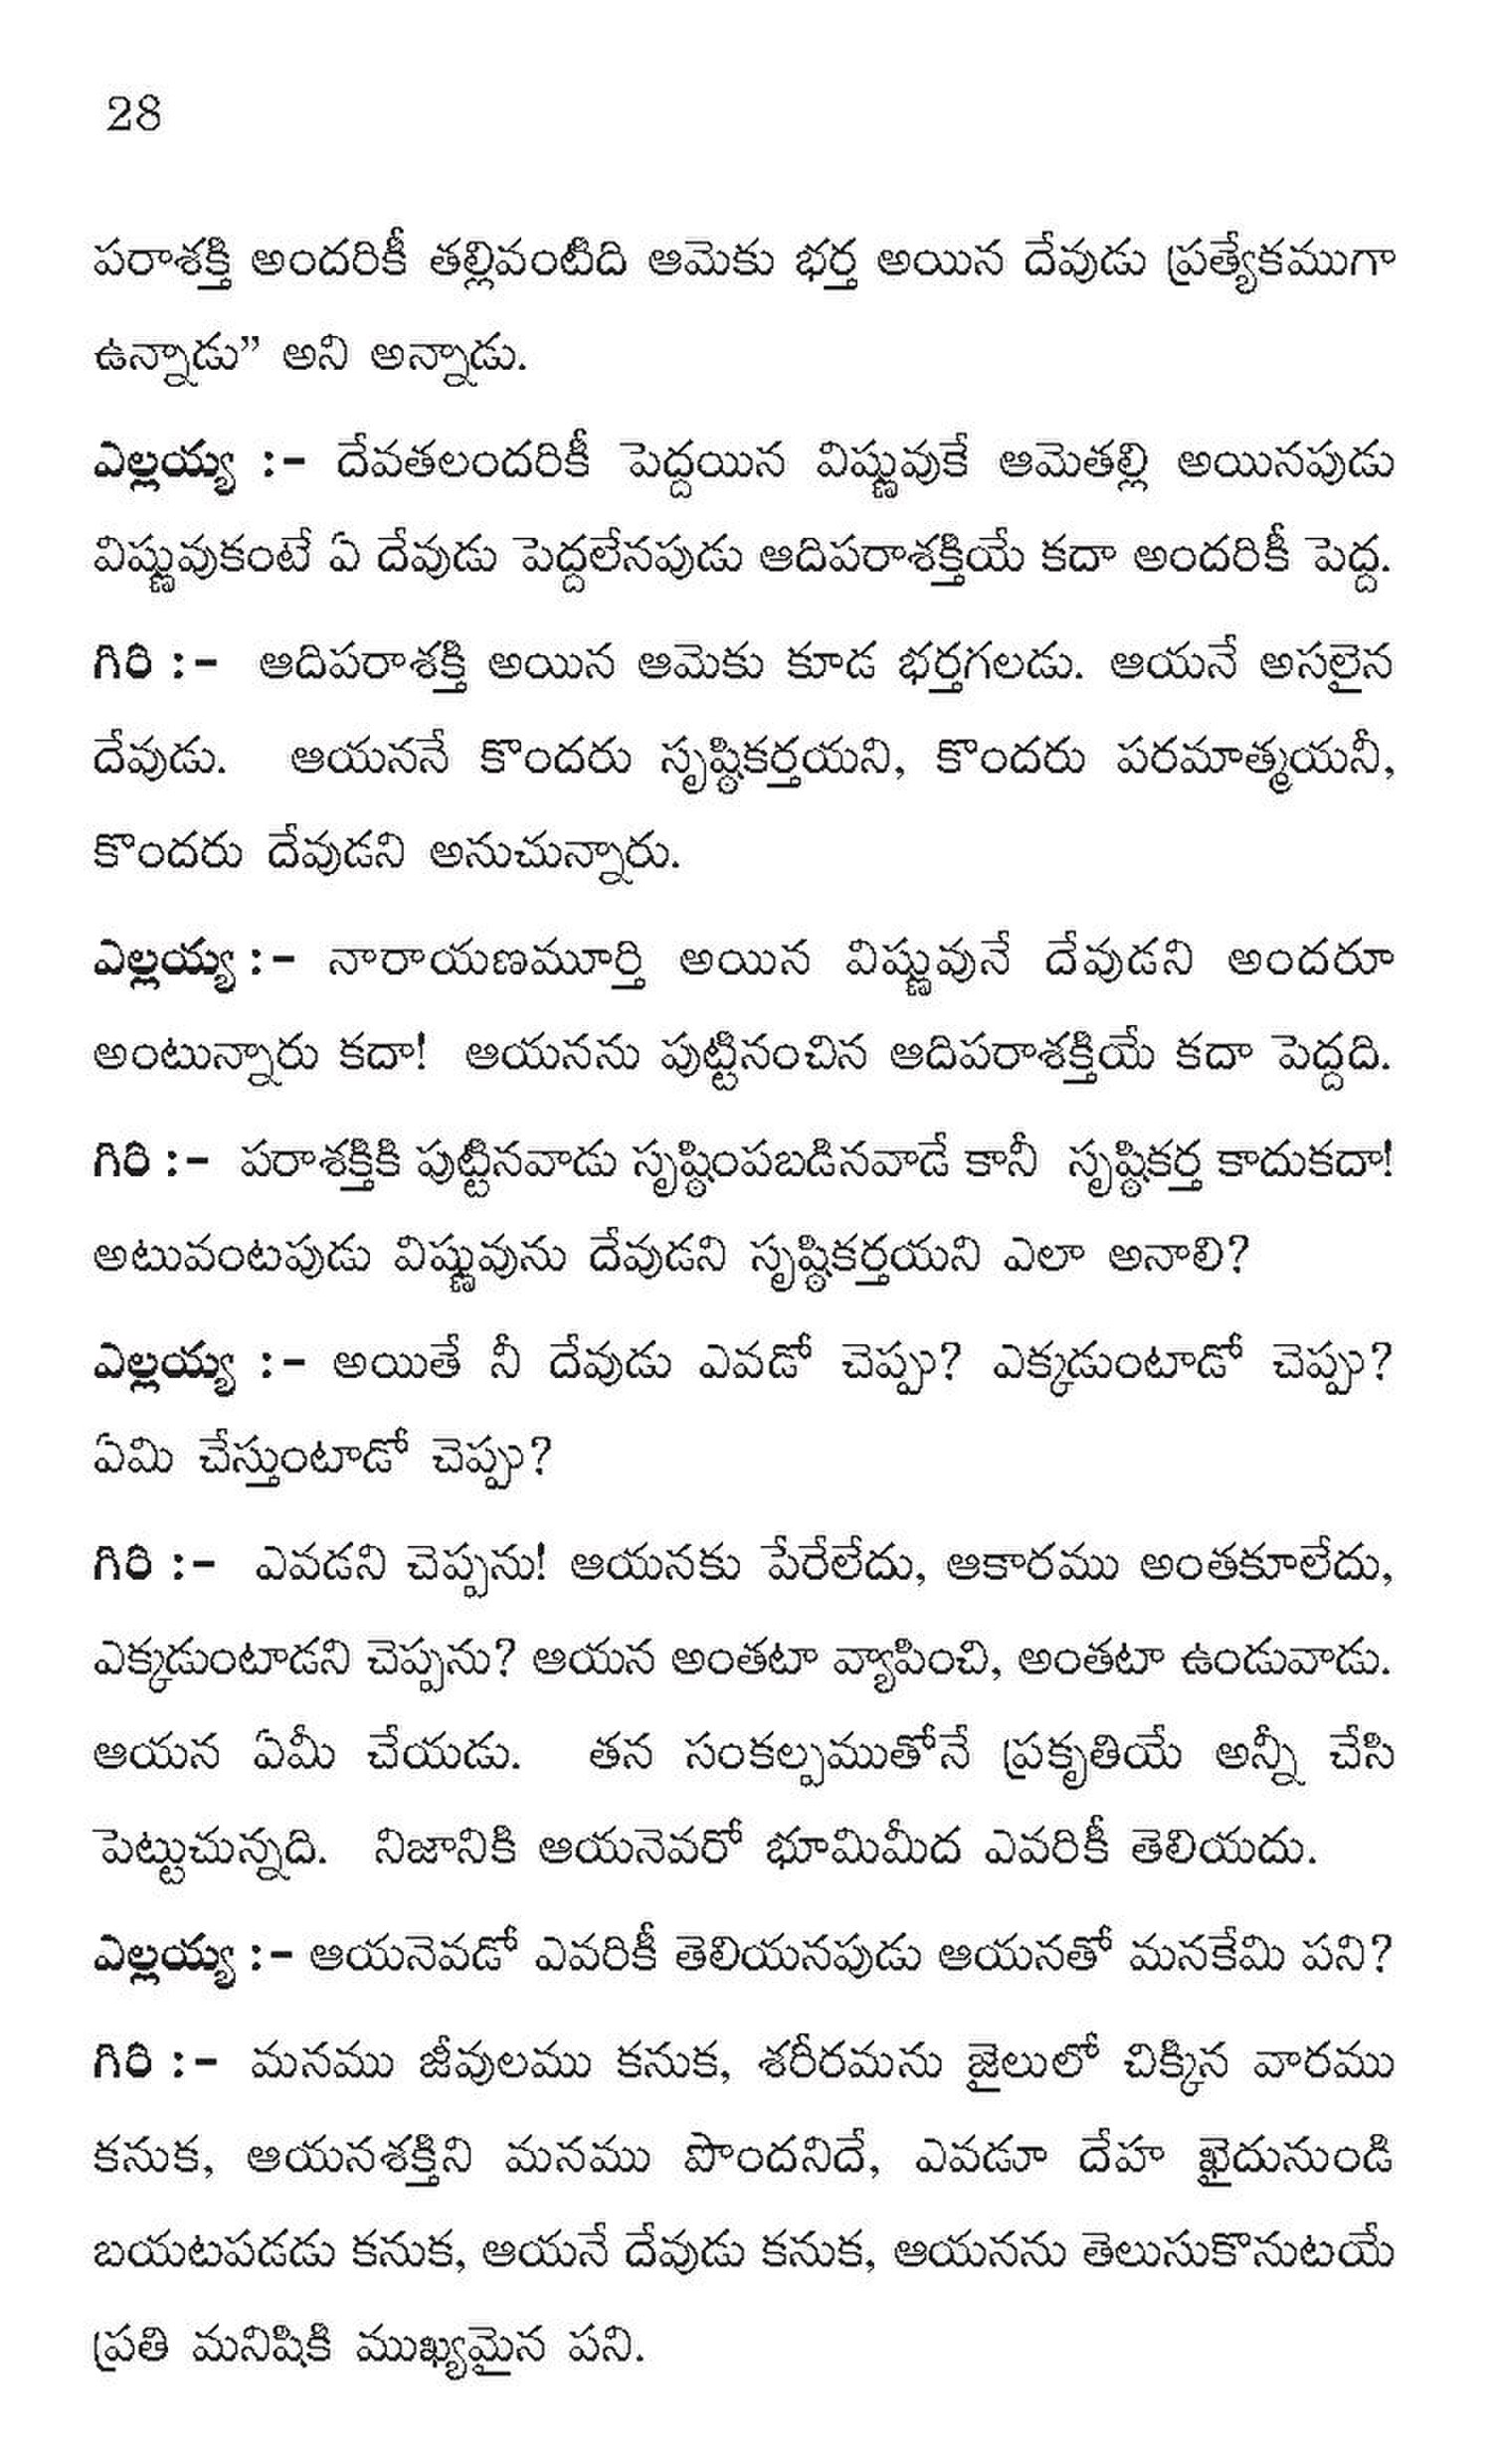పరాశక్తి అందరికీ తల్లివంటిది ఆమెకు భర్త అయిన దేవుడు ప్రత్యేకముగా ఉన్నాడు" అని అన్నాడు.

ఎల్లయ్య :- దేవతలందరికీ పెద్దయిన విష్ణువుకే ఆమెతల్లి అయినపుడు విష్ణువుకంటే ఏ దేవుడు పెద్దలేనపుడు ఆదిపరాశక్తియే కదా అందరికీ పెద్ద.

గిరి :- ఆదిపరాశక్తి అయిన ఆమెకు కూడ భర్తగలడు. ఆయనే అసలైన దేవుడు. ఆయననే కొందరు సృష్ఠికర్తయని, కొందరు పరమాత్మయనీ, కొందరు దేవుడని అనుచున్నారు.

ఎల్లయ్య :- నారాయణమూర్తి అయిన విష్ణువునే దేవుడని అందరూ అంటున్నారు కదా! ఆయనను పుట్టినంచిన ఆదిపరాశక్తియే కదా పెద్దది.

గిరి :- పరాశక్తికి పుట్టినవాడు సృష్ఠింపబడినవాడే కానీ సృష్ఠికర్త కాదుకదా! అటువంటపుడు విష్ణువును దేవుడని సృష్ఠికర్తయని ఎలా అనాలి?

ఎల్లయ్య :- అయితే నీ దేవుడు ఎవడో చెప్పు? ఎక్కడుంటాడో చెప్పు? ఏమి చేస్తుంటాడో చెప్పు?

గిరి :- ఎవడని చెప్పను! ఆయనకు పేరేలేదు, ఆకారము అంతకూలేదు, ఎక్కడుంటాడని చెప్పను? ఆయన అంతటా వ్యాపించి, అంతటా ఉండువాడు. ఆయన ఏమీ చేయడు. తన సంకల్పముతోనే ప్రకృతియే అన్నీ చేసి పెట్టుచున్నది. నిజానికి ఆయనెవరో భూమిమీద ఎవరికీ తెలియదు.

ఎల్లయ్య : -ఆయనెవడో ఎవరికీ తెలియనపుడు ఆయనతో మనకేమి పని?

గిరి :-	మనము జీవులము కనుక, శరీరమను జైలులో చిక్కిన వారము కనుక, ఆయనశక్తిని మనము పొందనిదే, ఎవడూ దేహ ఖైదునుండి బయటపడడు కనుక, ఆయనే దేవుడు కనుక, ఆయనను తెలుసుకొనుటయే ప్రతి మనిషికి ముఖ్యమైన పని.